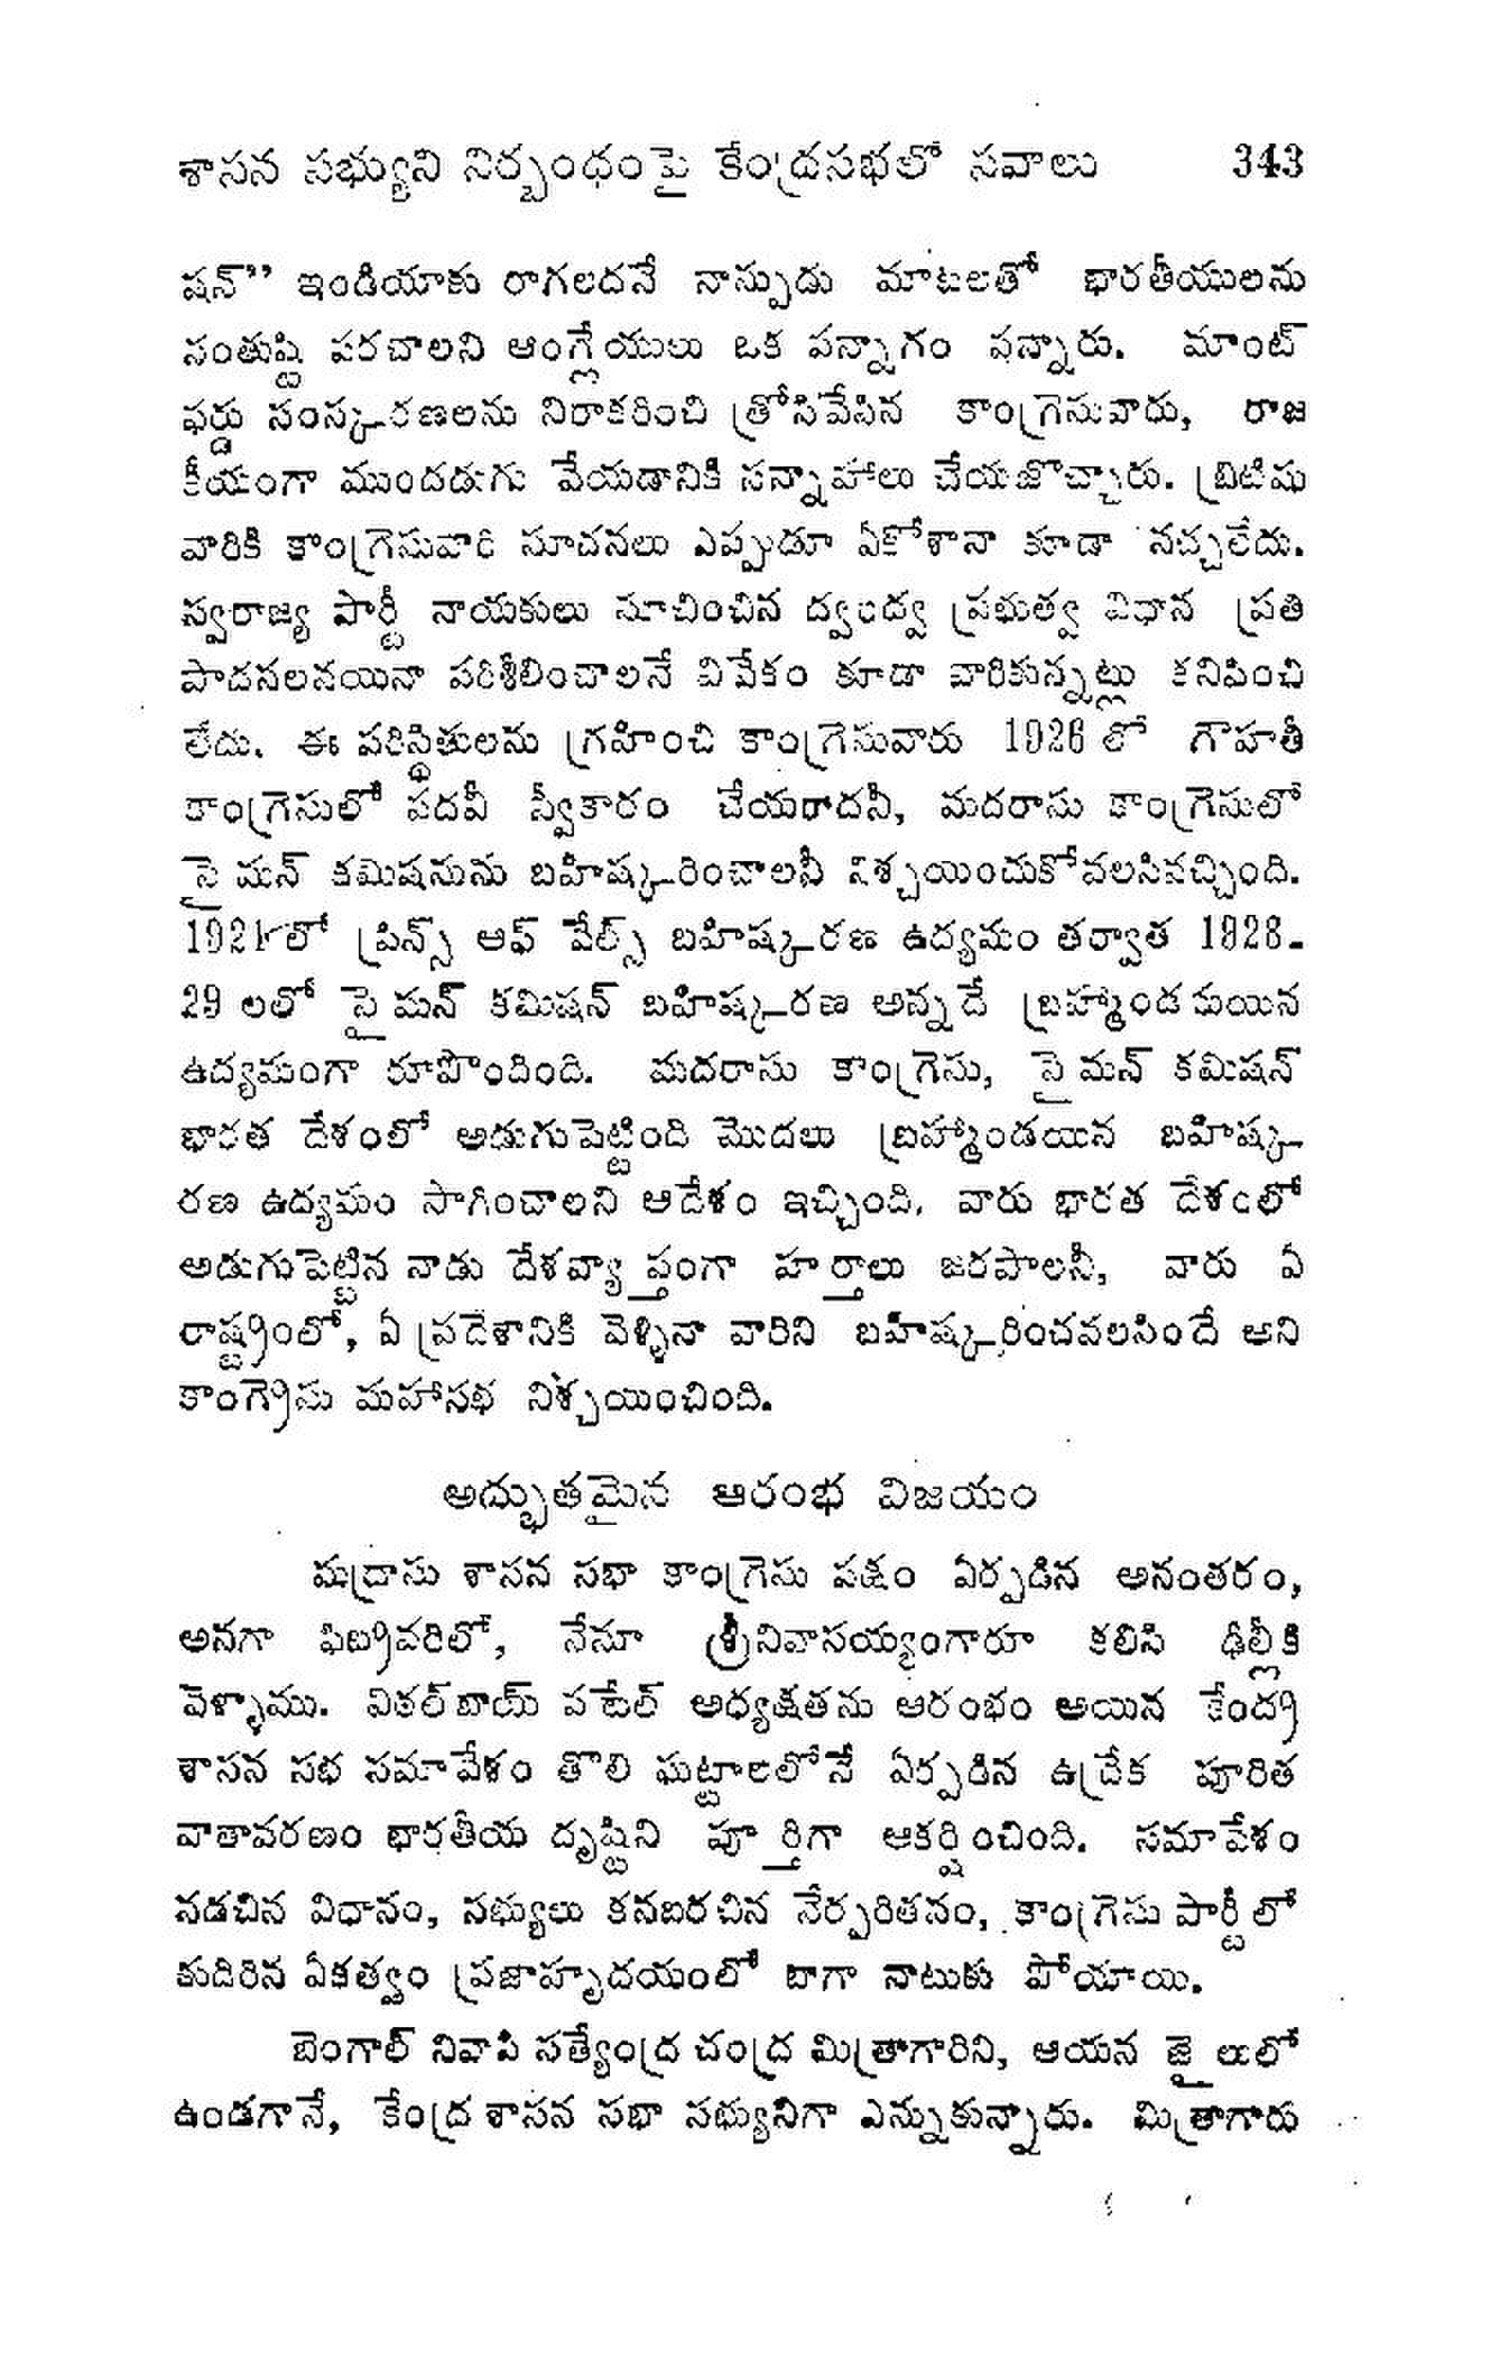షన్" ఇండియాకు రాగలదనే నాన్పుడు మాటలతో భారతీయులను సంతుష్టి పరచాలని ఆంగ్లేయులు ఒక పన్నాగం పన్నారు. మౌంట్ ఫర్డు సంస్కరణలను నిరాకరించి త్రోసివేసిన కాంగ్రెసువారు, రాజకీయంగా ముందడుగు వేయడానికి సన్నాహాలు చేయజొచ్చారు. బ్రిటిషువారికి కాంగ్రెసువారి సూచనలు ఎప్పుడూ ఏకోశాన కూడా నచ్చలేదు. స్వరాజ్య పార్టీ నాయకులు సూచించిన ద్వంద్వ ప్రభుత్వ విధాన ప్రతిపాదనలనయినా పరిశీలించాలనే వివేకం కూడా వారికున్నట్లు కనిపించలేదు. ఈ పరిస్థితులను గ్రహించి కాంగ్రెసువారు 1926లో గౌహతీ కాంగ్రెసులో పదవీ స్వీకారం చేయరాదనీ, మదరాసు కాంగ్రెసులో సైమన్ కమిషనును బహిష్కరించాలనీ నిశ్చయించుకోవలసివచ్చింది. 1921లో ప్రిన్స్ ఆఫ్ వేల్స్ బహిష్కరణ ఉద్యమం తర్వాత 1928-29 లలో సైమన్ కమిషన్ బహిష్కరణ అన్నదే బ్రహ్మాండమయిన ఉద్యమంగా రూపొందింది. మదరాసు కాంగ్రెసు, సైమన్ కమిషన్ భారత దేశంలో అడుగుపెట్టింది మొదలు బ్రహ్మాండమయిన బహిష్కరణ ఉద్యమం సాగించాలని ఆదేశం ఇచ్చింది. వారు భారత దేశంలో అడుగుపెట్టిన నాడు దేశవ్యాప్తంగా హర్తాలు జరపాలనీ, వారు ఏ రాష్ట్రంలో, ఏ ప్రదేశానికి వెళ్ళినా వారిని బహిష్కరించవలసిందే అని కాంగ్రెసు మహాసభ నిశ్చయించింది.

మద్రాసు శాసన సభా కాంగ్రెసు పక్షం ఏర్పడిన అనంతరం, అనగా ఫిబ్రవరిలో, నేనూ శ్రీనివాసయ్యంగారు కలిసి డిల్లీకి వెళ్ళాము. విఠల్‌బాయ్ పటేల్ అధ్యక్షతను ఆరంభం అయిన కేంద్ర శాసన సభ సమావేశం తొలి ఘట్టాలలోనే ఏర్పడిన ఉద్రేక పూరిత వాతావరణం భారతీయ దృష్టిని పూర్తిగా ఆకర్షించింది. సమావేశం నడచిన విధానం, సభ్యులు కనబరచిన నేర్పరితనం, కాంగ్రెసు పార్టీలో కుదిరిన ఏకత్వం ప్రజాహృదయంలో బాగా నాటుకు పోయాయి.

బెంగాల్ నివాసి సత్యేంద్ర చంద్ర మిత్రాగారిని, ఆయన జైలులో ఉండగానే, కేంద్ర శాసన సభా సభ్యునిగా ఎన్నుకున్నారు. మిత్రాగారు